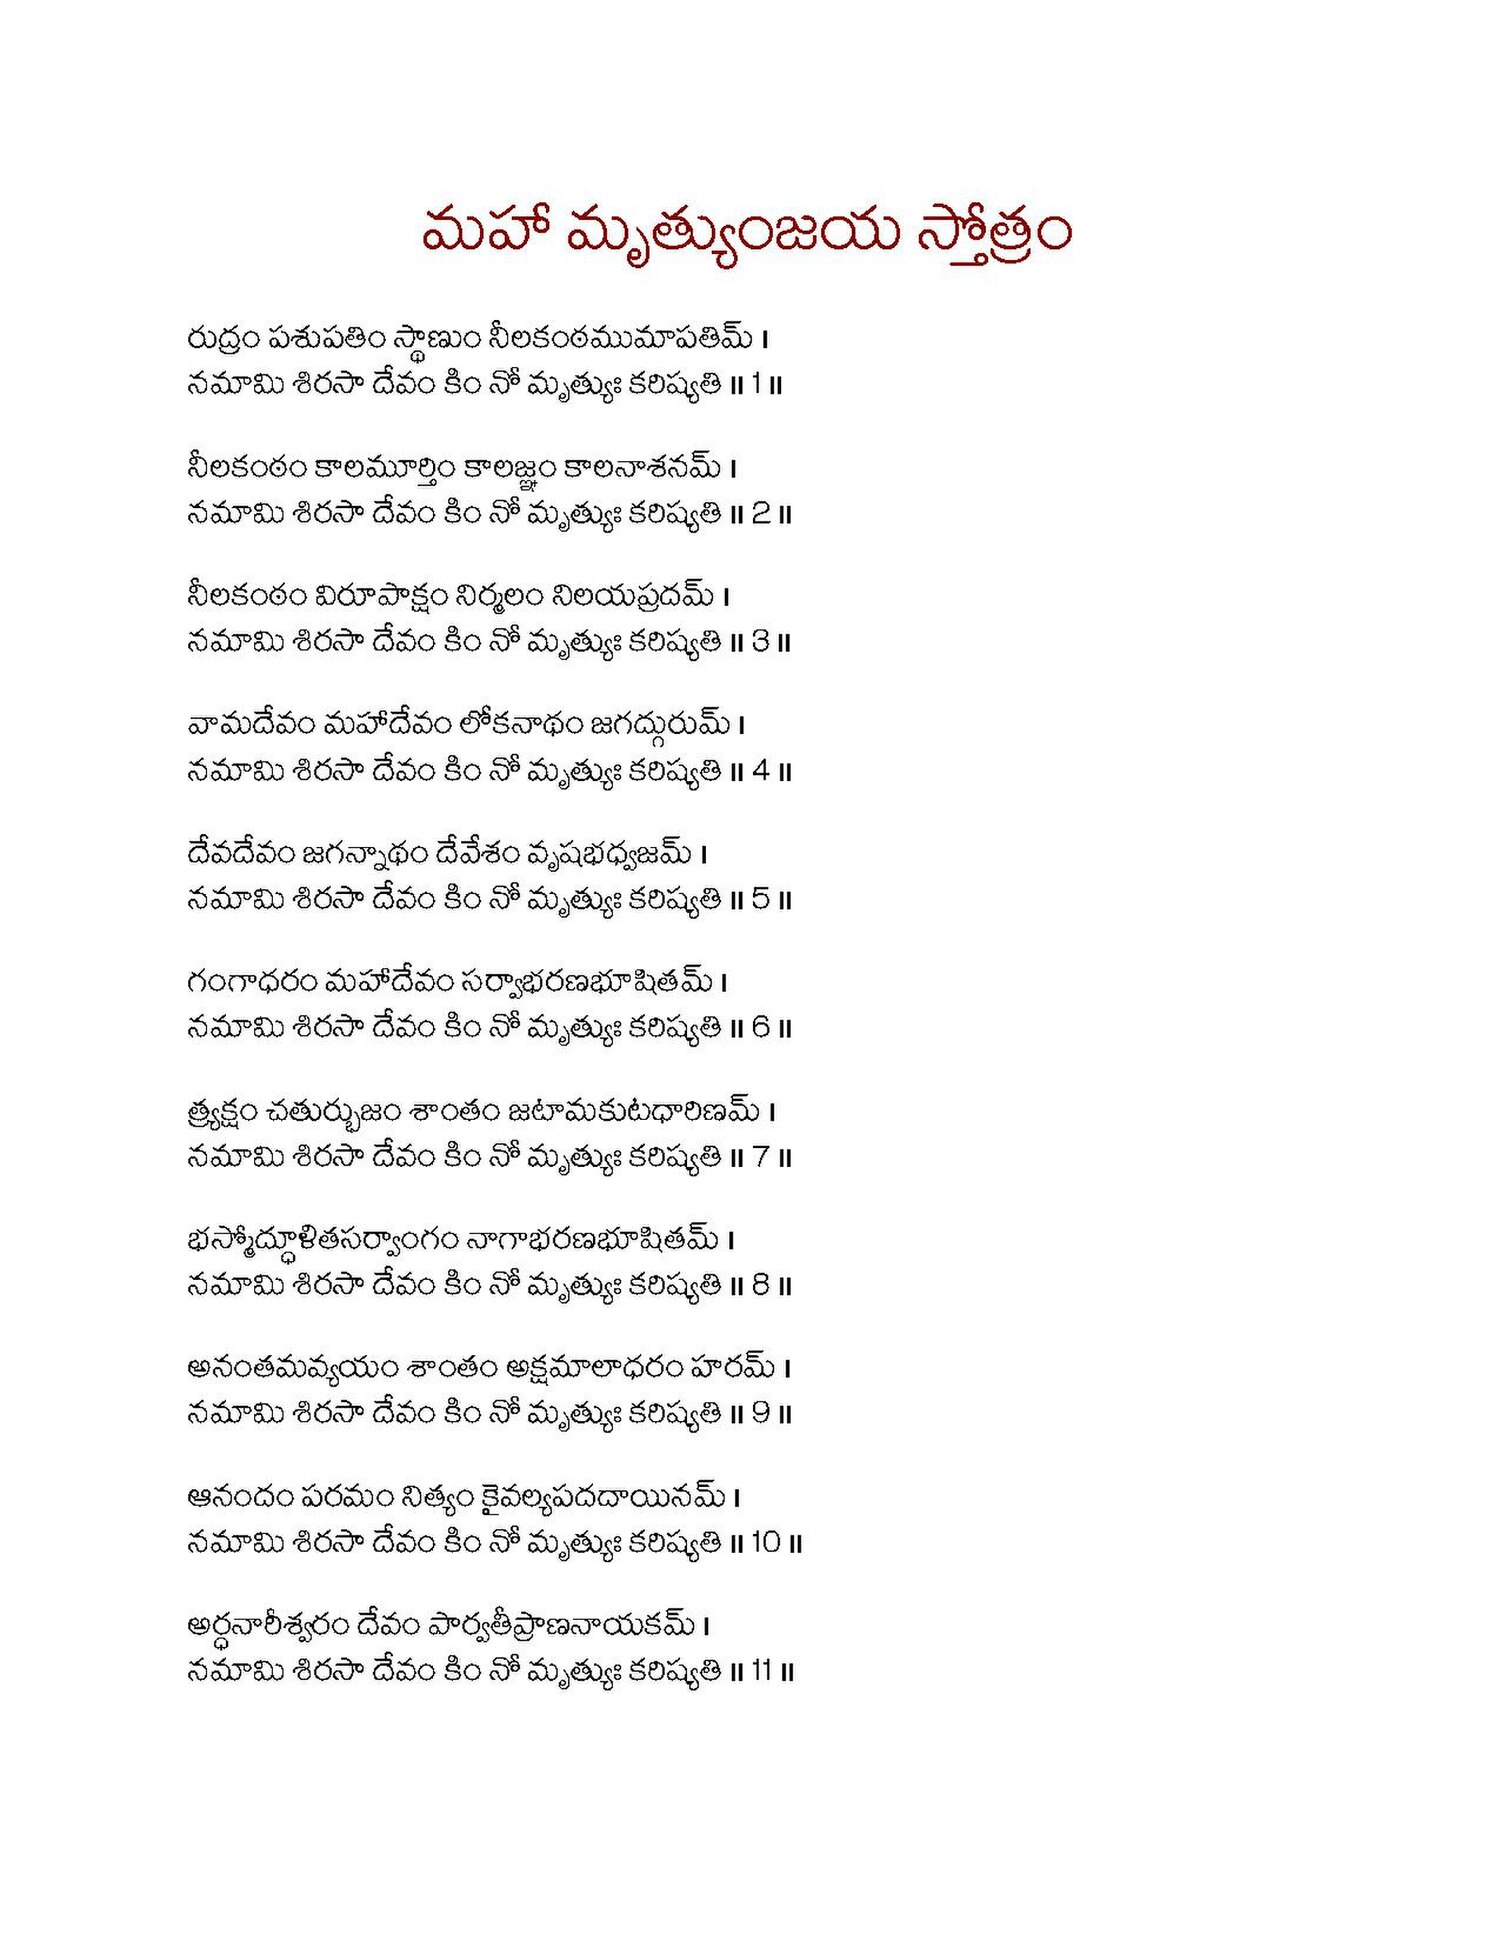రుద్రం పశుపతిం స్థాణుం నీలకంఠముమాపతిమ్ |
నమామి శిరసా దేవం కిం నో మృత్యుః కరిష్యతి || 1 ||

నీలకంఠం కాలమూర్తిం కాలజ్ఞం కాలనాశనమ్ |
నమామి శిరసా దేవం కిం నో మృత్యుః కరిష్యతి || 2 ||

నీలకంఠం విరూపాక్షం నిర్మలం నిలయప్రదమ్ |
నమామి శిరసా దేవం కిం నో మృత్యుః కరిష్యతి || 3 ||

వామదేవం మహాదేవం లోకనాథం జగద్గురుమ్ |
నమామి శిరసా దేవం కిం నో మృత్యుః కరిష్యతి || 4 ||

దేవదేవం జగన్నాథం దేవేశం వృషభధ్వజమ్ |
నమామి శిరసా దేవం కిం నో మృత్యుః కరిష్యతి || 5 ||

గంగాధరం మహాదేవం సర్వాభరణభూషితమ్ |
నమామి శిరసా దేవం కిం నో మృత్యుః కరిష్యతి || 6 ||

త్య్రక్షం చతుర్భుజం శాంతం జటామకుటధారిణమ్ |
నమామి శిరసా దేవం కిం నో మృత్యుః కరిష్యతి || 7 ||

భస్మోద్ధూళిత సర్వాంగం నాగాభరణ భూషితమ్ |
నమామి శిరసా దేవం కిం నో మృత్యుః కరిష్యతి || 8 ||

అనంతమవ్యయం శాంతం అక్షమాలాధరం హరమ్ |
నమామి శిరసా దేవం కిం నో మృత్యుః కరిష్యతి || 9 ||

ఆనందం పరమం నిత్యం కైవల్యపదదాయినమ్ |
నమామి శిరసా దేవం కిం నో మృత్యుః కరిష్యతి || 10 ||

అర్ధనారీశ్వరం దేవం పార్వతీప్రాణనాయకమ్ |
నమామి శిరసా దేవం కిం నో మృత్యుః కరిష్యతి || 11 ||